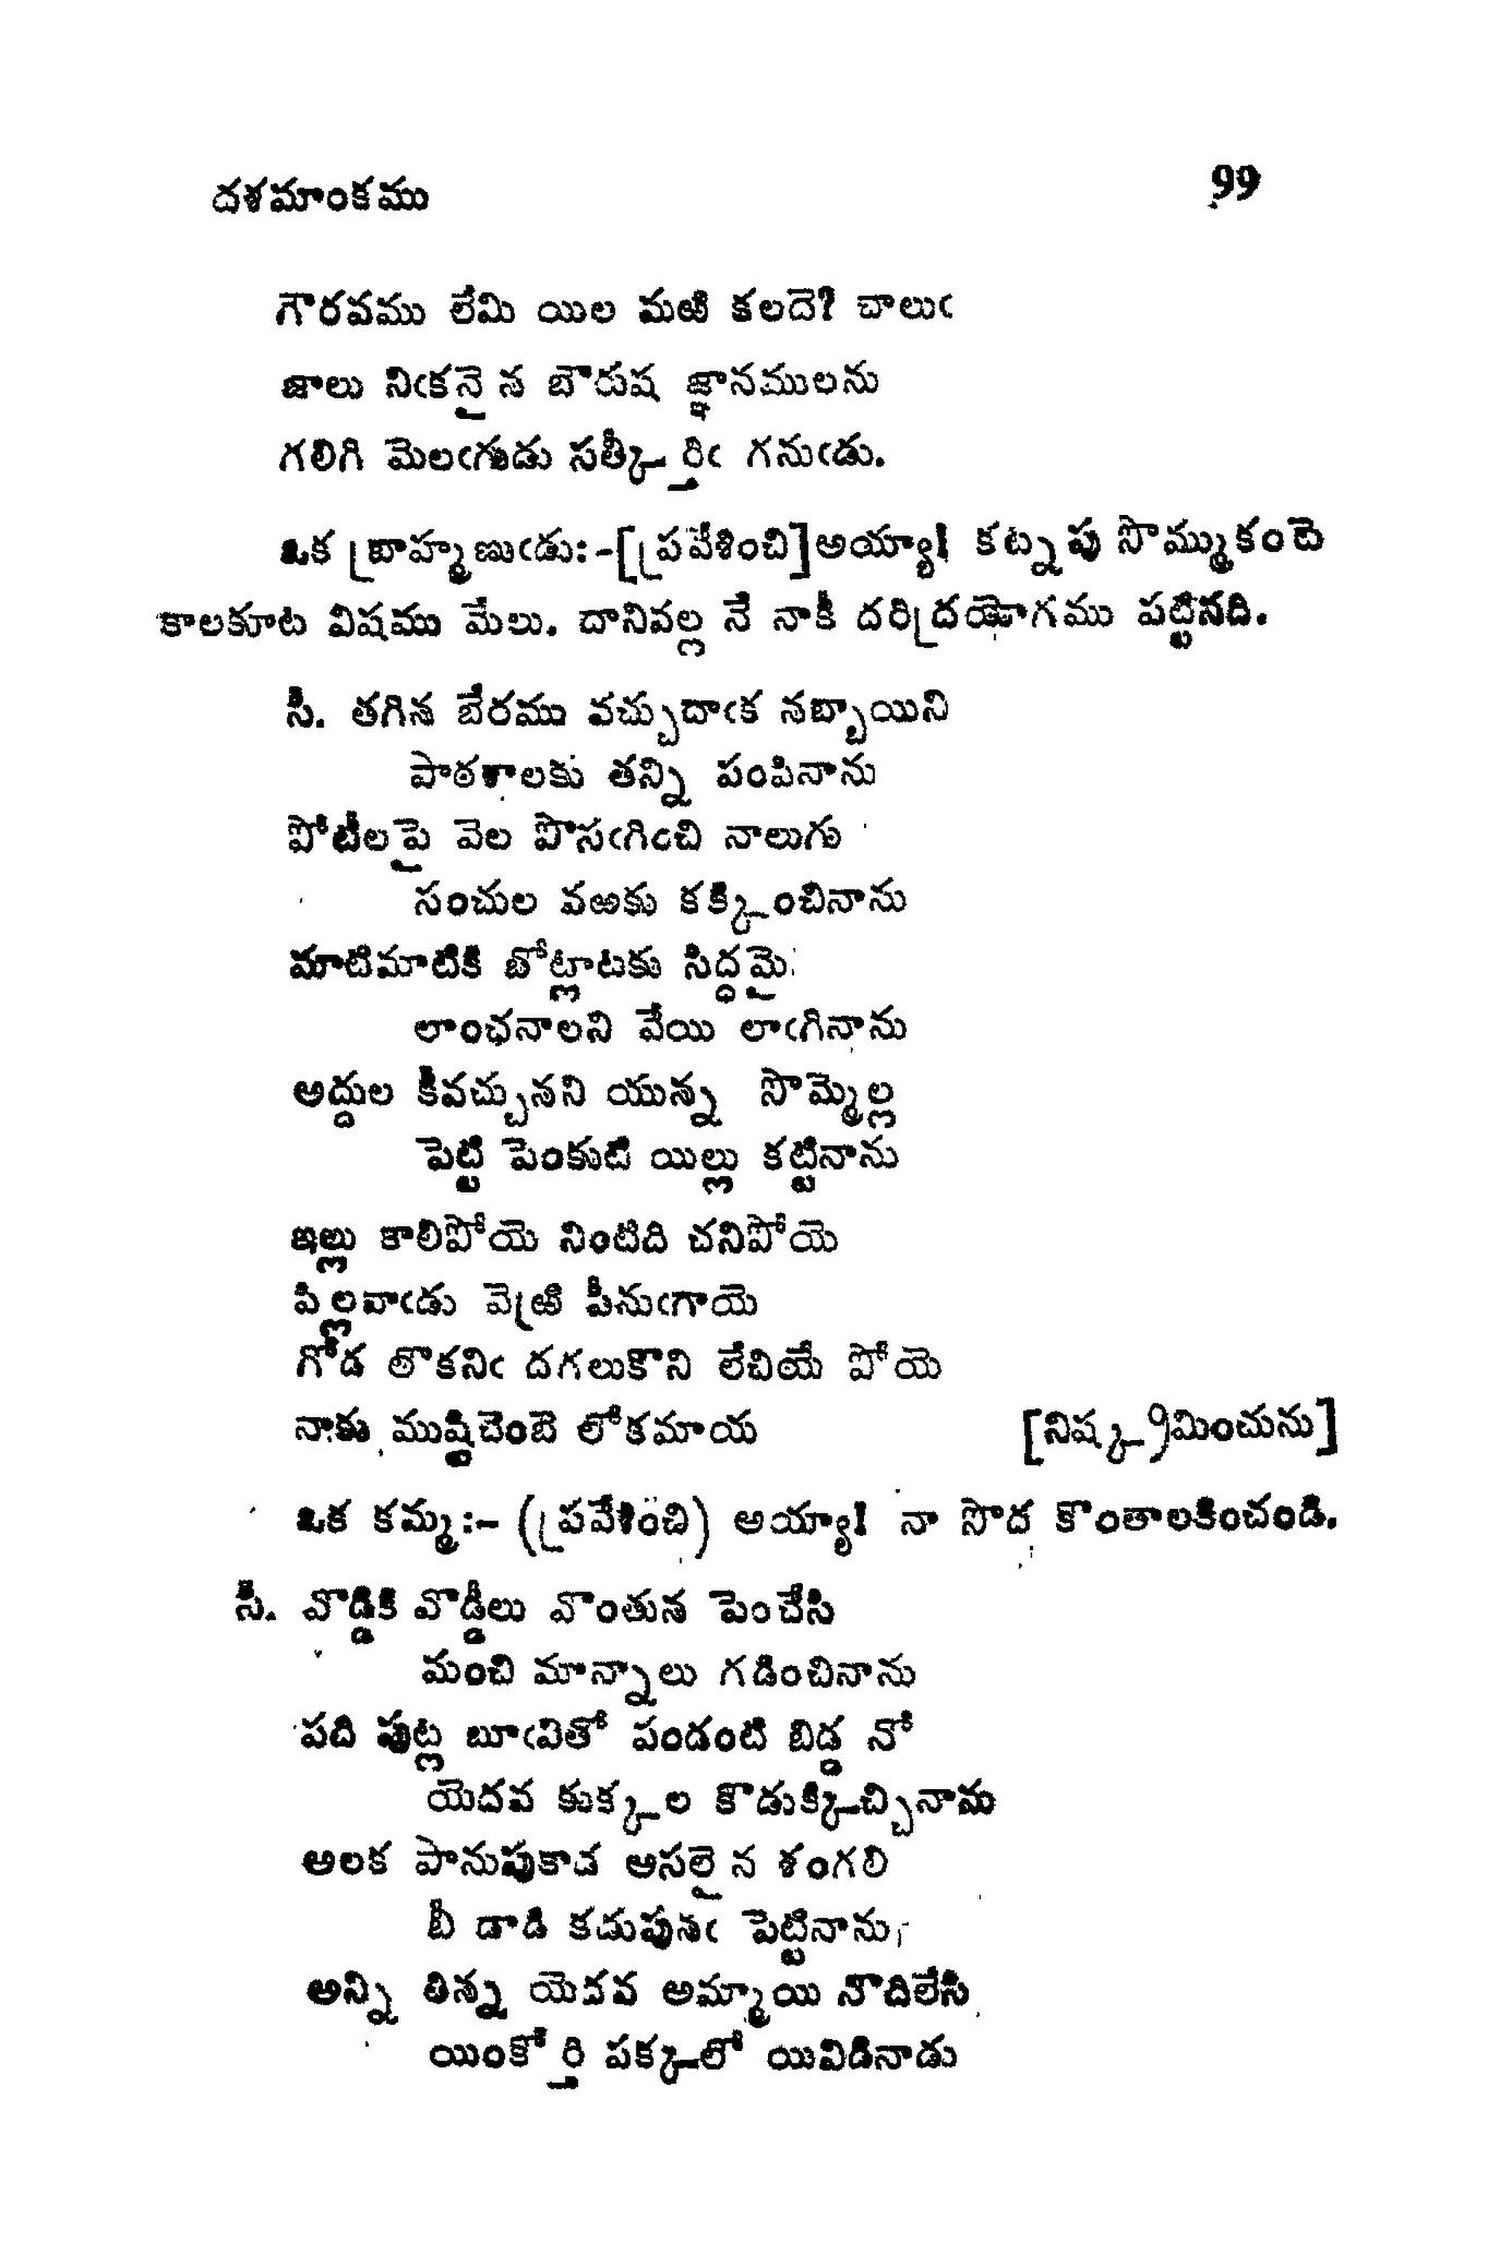గౌరవము లేమి యిల మఱి కలదె? చాలుఁ
 జాలు నిఁకనైన బౌరుష జ్ఞానములను
 గలిగి మెలఁగుడు సత్కీర్తిఁ గనుఁడు.
ఒక బ్రాహ్మణుఁడు :-(ప్రవేశించి) అయ్యా! కట్నపు సొమ్ముకంటె కాలకూట విషము మేలు. దానివల్ల నే నాకీ దరిద్రయోగము పట్టినది.

సీ. తగిన బేరము వచ్చుదాఁక నబ్బాయిని
 పాఠశాలకు తన్ని పంపినాను
 పోటీలపై వెల పొసఁగించి నాలుగు
 సంచుల వఱకు కక్కించినాను
 మాటిమాటికిని బోట్లాటకు సిద్ధమై
 లాంఛనాలని వేయి లాఁగినాను
 అద్దెల కీవచ్చునని యున్న సొమ్మెల్ల
 పెట్టి పెంకుటి యిల్లు కట్టినాను

 ఇల్లు కాలిపోయె నింటిది చనిపోయె
 పిల్లవాఁడు వెఱ్రి పీనుఁగాయె
 గోడ లొకనిఁ దగులుకొని లేచియే పోయె
 నాకు ముష్టిచెంబె లోకమాయె (నిష్క్రమించును.)
ఒక కమ్మ :-(ప్రవేశించి) అయ్యా! నా సొద కొంతాలకించండి.

సీ. వొడ్డికి వొడ్డీలు వొంతున పెంచేసి
 మంచి మాన్నాలు గడించినాను
 పది పుట్ల బూఁవితో పండంటి బిడ్డ నో
 యెదవ కుక్కల కొడుక్కిచ్చినాను
 అలక పానుపుకాడ అసలైన శంగలి
 బీ డాడి కడుపునఁ పెట్టినాను
 అన్ని తిన్న యెదవ అమ్మాయి నొదిలేసి
 యింకోర్తి పక్కలో యివిడినాఁడు